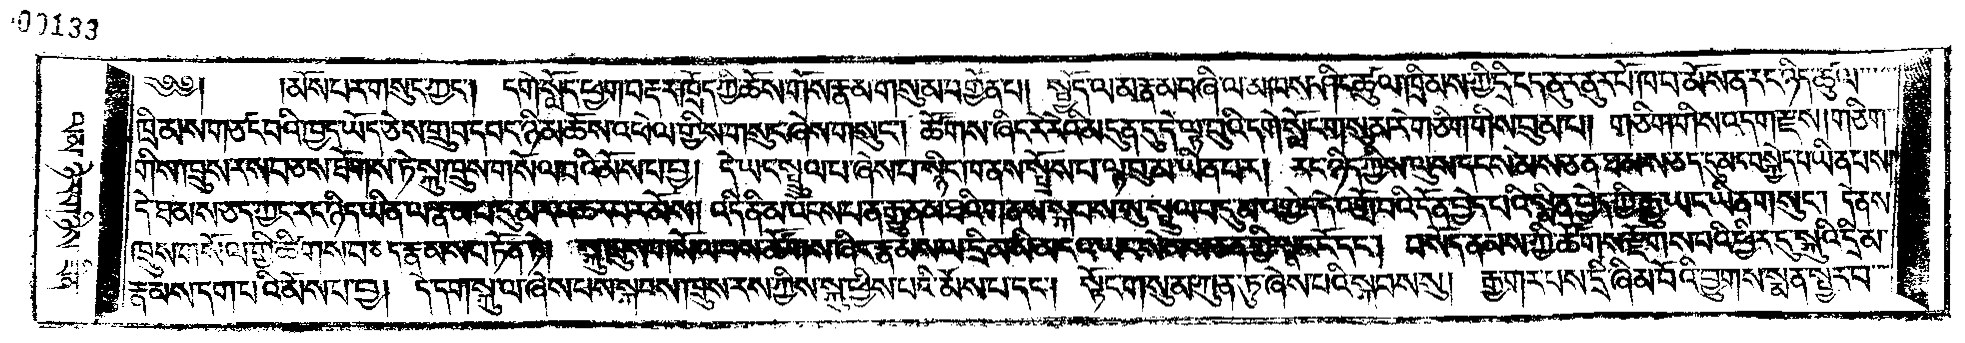༄༅། །མོས་པར་གསུང་ཀྱང་། དགེ་སློང་ཕྱག་བརྡར་ཁྲོད་ཀྱི་ཆོས་གོས་རྣམ་གསུམ་བགྱོན་པ། སྤྱོད་ལམ་རྣམ་བཞི་ལ་མཁས་ཤིང་ཚུལ་ཁྲིམས་ཀྱི་དྲི་ངད་ནུར་ནུར་པོ་ཁ་བ་མོས་ན་རང་ཉིད་ཚུལ་
ཁྲིམས་གཙང་བའི་ཁྱད་ཡོད་ཅེས་གྲུབ་དབང་ཉི་མ་ཆོས་འཕེལ་གྱིས་གསུང་ཞེས་གསུང་། ཚོགས་ཞིང་རེ་རེའི་མདུན་དུ་དེ་ལྟ་བུའི་དགེ་སློང་གསུམ་རེ་གཅིག་གིས་བུམ་པ། གཅིག་གིས་འདག་རྫས། གཅིག་
གིས་ཁྲུས་རས་བཅས་ཐོགས་ཏེ་སྐུ་ཁྲུས་གསོལ་བའི་མོས་པ་བྱ། དེ་ཡང་སྤྲུལ་པ་ཞེས་པ་སྙིང་ཁ་ནས་སྤྲོས་པ་ལྟ་བུ་མ་ཡིན་པར། རང་ཉིད་ཀྱིས་ལུས་དང་སེམས་ཅན་ཐམས་ཅད་དུ་མང་བསྐྱེད་པ་ཡིན་པས།
དེ་ཐམས་ཅད་ཀྱང་རང་ཉིད་ཡིན་ལ་རྣམ་པ་དུ་མར་འཆར་བར་མོས། འདི་ནི་མ་འོངས་པ་ན་རྒྱུན་མཐའི་གནས་སྐབས་སུ་སྤྲུལ་པ་དུ་མ་འགྱེད་དེ་འགྲོ་བའི་དོན་བྱེད་པའི་སྨིན་བྱེད་ཀྱི་རྒྱུ་ཡང་ཡིན་གསུང་། དེ་ནས་
ཁྲུས་གསོལ་གྱི་ཚིགས་བཅད་རྣམས་བཏོན་ཏེ། སྐུ་ཁྲུས་གསོལ་བས་ཚོགས་ཞིང་རྣམས་ལ་དྲི་མ་མི་མངའ་ཡང་སེམས་ཅན་གྱི་སྣང་ངོ་དང་། བསོད་ནམས་ཀྱི་ཚོགས་རྫོགས་པའི་ཕྱིར་དུ་སྐུའི་དྲི་མ་
རྣམས་དག་པའི་མོས་པ་བྱ། དེ་དག་སྐུ་ལ་ཞེས་པས་སྐབས་ཁྲུས་རས་ཀྱིས་སྐུ་ཕྱིས་པའི་མོས་པ་དང་། སྟོང་གསུམ་ཀུན་ཏུ་ཞེས་པའི་སྐབས་སུ། རྒྱ་གར་པས་དྲི་ཞིམ་པོའི་བྱུགས་སྨན་སྦྱར་བ་